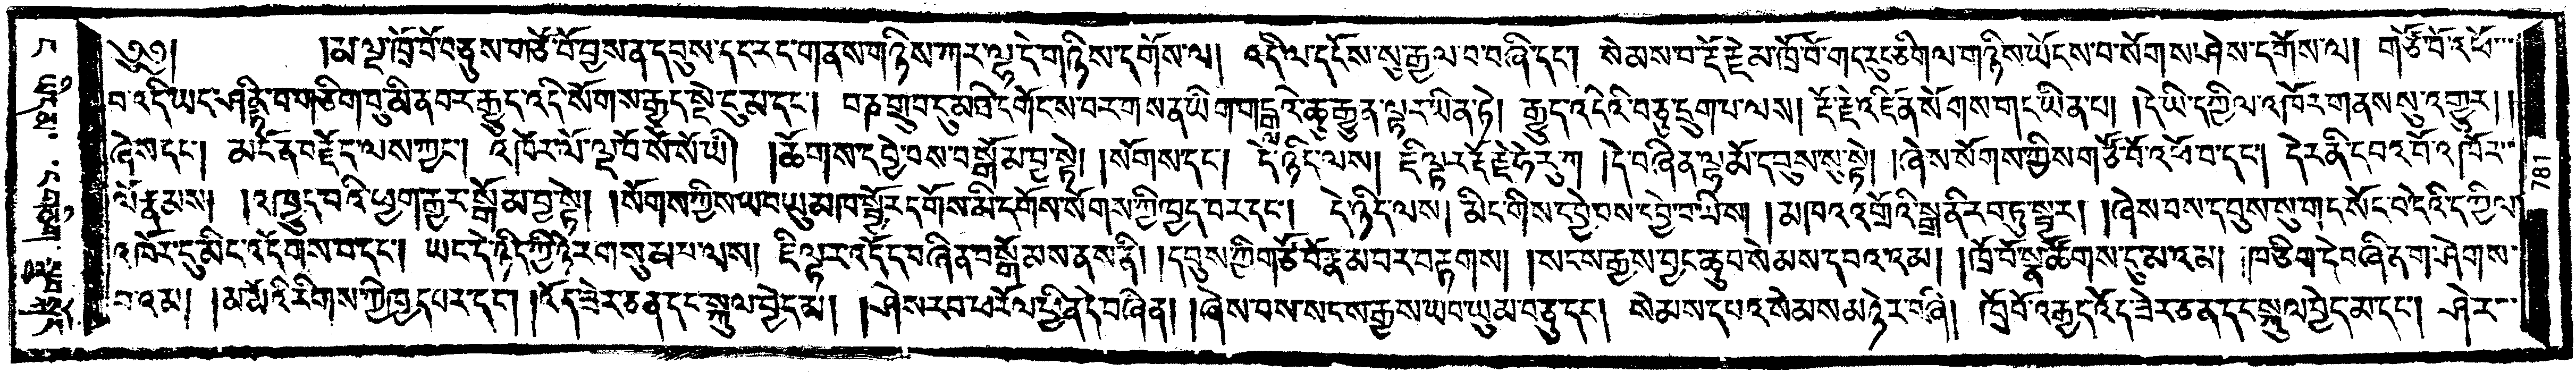༄༅། །མ་ལྔ་ཁྲོ་བོ་བཅུས་གཙོ་བོ་བྱས་ན་དབུས་དང་རང་གནས་གཉིས་ཀར་ལྷ་དེ་གཉིས་དགོས་ལ། འདི་ལ་དངོས་སུ་རྒྱལ་བ་བཞི་དང་། སེམས་བ་རྡོ་རྗེ་མ་ཁྱོ་བོ་གང་རུང་ཆིག་ལ་གཉིས་ཡོངས་བ་སོགས་ཤེས་དགོས་ལ། གཙོ་བོ་འཕོ་
བ་འདི་ཡང་ཤིནྟ་བ་གཅིག་བུ་མིན་བར་རྒྱུད་འདི་སོགས་རྒྱུད་སྡེ་དུ་མ་དང་། བཎ་གྲུབ་དུ་མཐི་དགོངས་བར་གསན་ཡིག་གངྒའི་ཆུ་རྒྱུན་ལྟར་ཡིན་ཏེ། རྒྱུད་འདིའི་བཅུ་དྲུག་པ་ལས། རྡོ་རྗེ་འཛིན་སོགས་གང་ཡིན་པ། །དེ་ཡི་དཀྱིལ་འཁོར་གནས་སུ་འགྱུར། །
ཞེས་དང་། མངོན་བརྗོད་ལས་ཀྱང་། འཁོར་ལོ་ལྔ་བོ་སོ་སོ་ཡི། །ཆོགས་དབྱེ་བས་བསྒོམ་བྱ་སྟེ། །སོགས་དང་། དེ་ཉིད་ལས། ཇི་ལྟར་རྡོ་རྗེ་ཧེ་རུ་ཀ །དེ་བཞིན་ལྷ་མོ་དབུས་སུ་སྟེ། །ཞེས་སོགས་ཀྱིས་གཙོ་བོ་འཕོ་བ་དང་། དེར་ནི་དཔའ་གོ་འཁོར་
ལོ་རྣམས། །འཁྱུད་བའི་ཕྱག་རྒྱར་སྒོམ་བྱ་སྟེ། །སོགས་ཀྱིས་ཡབ་ཡུམ་ཁ་སྦྱོར་དགོས་མི་དགོས་སོགས་ཀྱི་ཁྱད་བར་དང་། དེ་ཉིད་ལས། མིང་གིས་དབྱེ་བས་དབྱེ་བ་ཡིས། །མཁའ་འགྲོའི་སྒྲ་ནི་རབ་ཏུ་སྦྱར། །ཞེས་བས་དབུས་སུ་གང་སོང་བདེའི་དཀྱིལ་
འཁོར་དུ་མིང་འདོགས་བ་དང་། ཡང་དེ་ཉིད་ཀྱི་ཉེར་གསུམ་པ་ལས། ཇི་ལྟར་འདོད་བཞིན་བསྒོམས་ནས་ནི། །དབུས་ཀྱི་གཙོ་བོ་རྣམ་བར་བརྟགས། །སངས་རྒྱས་བྱང་ཆུབ་སེམས་དཔའ་འམ། །ཁྲོ་བོ་སྣ་ཚོགས་དུ་མའམ། །ཁ་ཅིག་དེ་བཞིན་གཤེགས་
བ་འམ། །མ་མོའི་རིགས་ཀྱི་ཁྱད་བར་དང་། །འོད་ཟེར་ཅན་དང་སྐུལ་བྱེད་མ། །ཤེས་རབ་ཕ་རོལ་ཕྱིན་དེ་བཞིན། །ཞེས་བས་སངས་རྒྱས་ཡབ་ཡུམ་བཅུ་དང་། སེམས་དཔའ་སེམས་མཉེར་བཞི། ཁྲོ་བོ་འྲྒྱད་འོད་ཟེར་ཅན་དང་སྐུལ་བྱེད་མ་དང་། ཤེར་